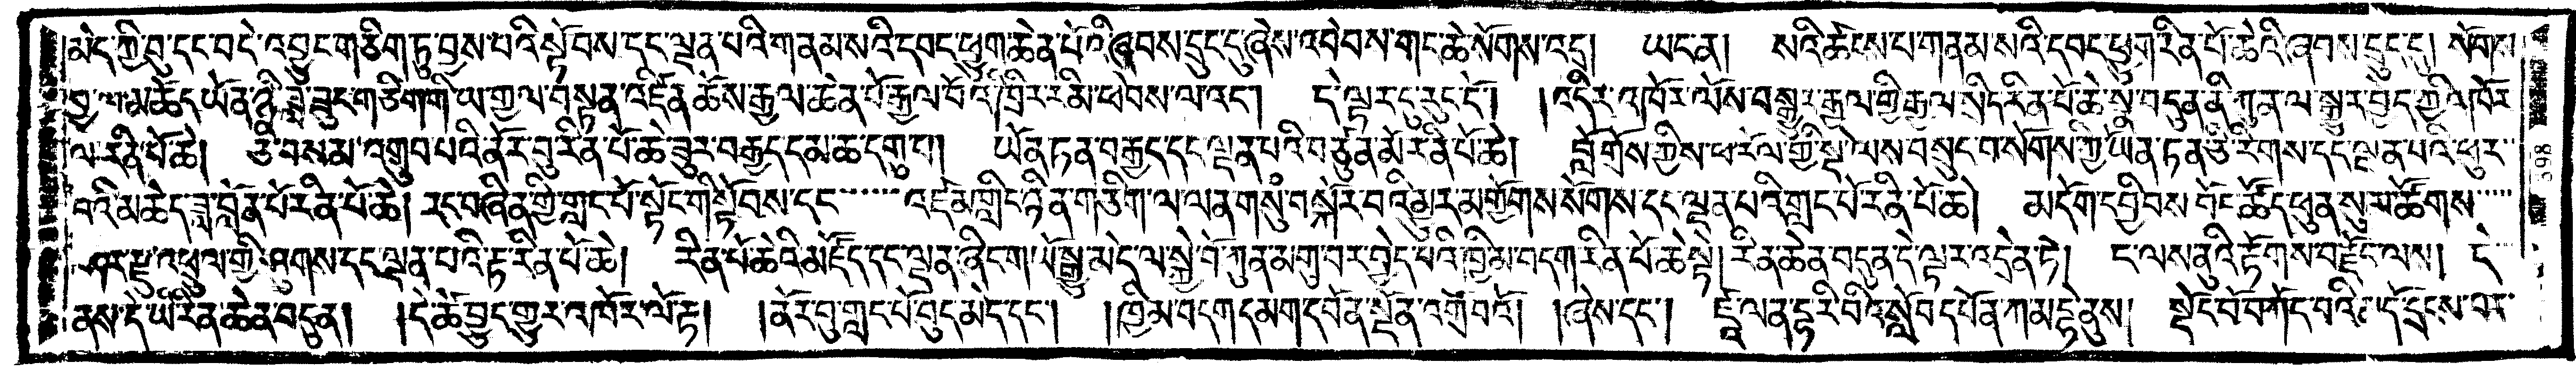མེད་ཀྱི་བུ་དང་བདེ་འབྱུང་གཅིག་ཏུ་བྱས་པའི་སྟོབས་དང་ལྡན་པའི་གནམ་སའི་དབང་ཕྱུག་ཆེན་པོའི་ཞུགས་དྲུང་དུ་ཞེས་འབེབས་གང་ཆེ་སོགས་འདྲ། ཡང་ན། སའི་ཚངས་པ་གནམ་པའི་དབང་ཕྱུག་རིན་པོ་ཆེའི་ཞབས་དྲུང་དུ། སོགས་
བྱ་ལ་མཆོད་ཡོན་ཉི་ཟླ་ཟུང་གཅིག་གི་ཡ་གྱལ་བསྟན་འཛིན་ཆོས་རྒྱལ་ཆེན་པོ་རྒྱལ་པོ་འཁྲིར་རིམ་ཕེབས་ལའང་། དེ་ལྟར་དུ་རུང་ངོ། །འདིར་འཁོར་ལོས་བསྒྱུར་རྒྱལ་གྱི་རྒྱལ་སྲིད་རིན་པོ་ཆེ་སྣ་བདུན་ནི་ཀུན་ལ་སྒྱུར་བྱེད་ཀྱི་འཁོར་
ལ་རིན་པོ་ཆེ། །ཅི་བསམ་འགྲུབ་པའི་ནོར་བུ་རིན་པོ་ཆེ་ཟུར་བརྒྱད་དམ་ཆ་དགུ་བ། ཡོན་ཏན་བརྒྱད་དང་ལྡན་པའི་བཙུན་མོར་ནི་པོ་ཆེ། བློ་གྲོས་ཀྱིས་ཕ་རོལ་གྱི་སྡེ་ལས་བསྲུང་བ་སོགས་ཀྱི་ཡོན་ཏན་ཙ་རིགས་དང་ལྡན་པའི་ཕུར་
བའི་མཆེད་ཟླ་བློན་པོ་རིན་པོ་ཆེ། རང་བཞིན་གྱི་གླང་པོ་སྟོང་གི་སྟོབས་དང་འཛམ་གླིང་ཉིན་གཅིག་ལ་ལན་གསུཾ་བསྐོར་བའི་མྱུར་མགྱོགས་སོགས་དང་ལྡན་པའི་གླང་པོ་རིན་པོ་ཆེ། མདོག་དབྱིབས་ཐོང་ཚོད་ཕུན་སུམ་ཚོགས་
ཤར་རྫུ་འཕྲུལ་གྱི་ཤུགས་དང་དན་པའི་རྟ་རིན་པོ་ཆེ། རིན་པོ་ཆེའི་མཛོད་དང་ལྡན་ཞིང་གཡོ་སྒྱུ་མེད་ལ་སྐྱེ་བོ་ཀུན་མགུ་བར་བྱེད་པའི་ཁྱིམ་བདག་རིན་པོ་ཆེ་སྟེ། རིན་ཆེན་བདུན་དེ་ལྟར་འདྲེ་ཏེ། ང་ལས་ནུའི་རྟོགས་བརྗོད་ལས། དེ་
ནས་དེ་ཡི་རིན་ཆེན་བདུན། །དེ་ཚེ་བྱུང་གྱུར་འཁོར་ལོ་རྟ། །ནོར་བུ་གླང་པོ་བུད་མེད་དང་། །ཁྱིམ་བདག་དམག་དཔོན་སྔོན་འགྲོ་བའོ། །ཞེས་དང་། ཛཱ་ལན་དྷ་རིའི་སློབ་དཔོན་ཀ་མདྷེ་ནུས། སྡོང་པོ་བཀོད་པའི་མདོ་དྲངས་བར་